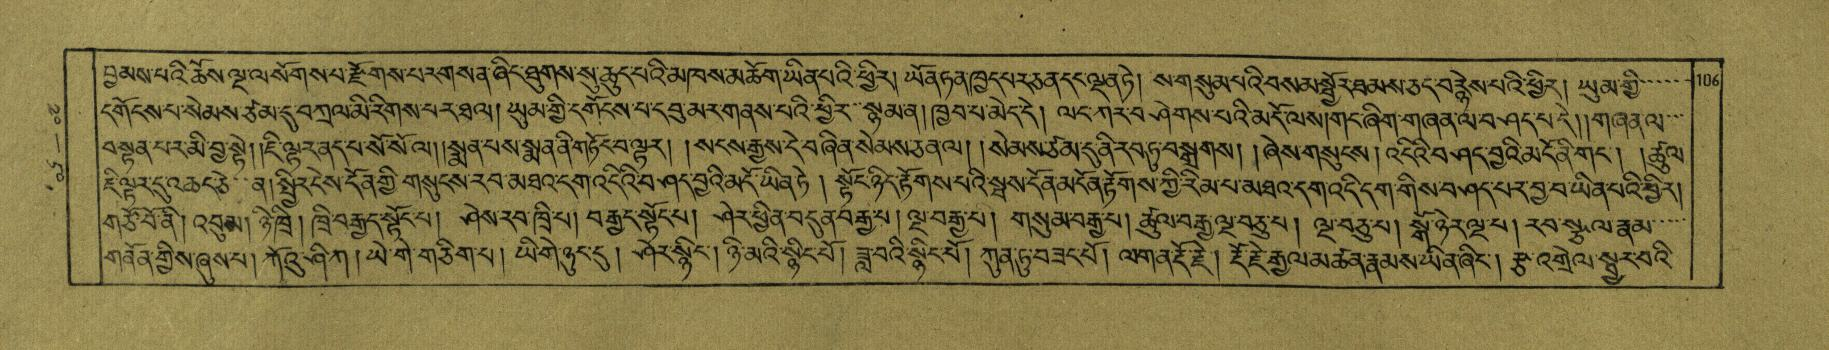བྱམས་པའི་ཆོས་ལྔ་ལ་སོགས་པ་རྫོགས་པར་གསན་ཞིང་ཐུགས་སུ་ཆུད་པའི་མཁས་མཆོག་ཡིན་པའི་ཕྱིར། ཡོན་ཏན་ཁྱད་པར་ཅན་དང་ལྡན་ཏེ། ས་གསུམ་པའི་བསམ་སྦྱོར་ཐམས་ཅད་བརྙེས་པའི་ཕྱིར། ཡུམ་གྱི་
དགོངས་པ་སེམས་ཙམ་དུ་བཀྲལ་མི་རིགས་པར་ཐལ། ཡུམ་གྱི་དགོངས་པ་དབུ་མར་གནས་པའི་ཕྱིར་སྙམ་ན། ཁྱབ་པ་མེད་དེ། ལང་ཀར་བཤེགས་པའི་མདོ་ལས། གང་ཞིག་གཞན་ལ་བཤད་པ་དེ། །གཞན་ལ་
བསྟན་པར་མི་བྱ་སྟེ། །ཇི་ལྟར་ནད་པ་སོ་སོ་ལ། །སྨན་པས་སྨན་ནི་གཏོང་བ་ལྟར། །སངས་རྒྱས་དེ་བཞིན་སེམས་ཅན་ལ། །སེམས་ཙམ་དུ་ནི་རབ་ཏུ་བསྒྲགས། །ཞེས་གསུངས། འདིའི་བཤད་བྱའི་མདོ་ནི་གང་། །ཚུལ་
ཇི་ལྟར་དུ་འཆད་ཅེ་ན། སྤྱིར་ངེས་དོན་གྱི་གསུངས་རབ་མཐའ་དག་འདིའི་བཤད་བྱའི་མདོ་ཡིན་ཏེ། སྟོང་ཉིད་རྟོགས་པའི་སྦས་དོན་མངོན་རྟོགས་ཀྱི་རིམ་པ་མཐའ་དག་འདི་དག་གིས་བཤད་པར་བྱ་བ་ཡིན་པའི་ཕྱིར།
གཙོ་བོ་ནི། འབུམ། ཉི་ཁྲི། ཁྲི་བརྒྱད་སྟོང་པ། ཤེས་རབ་ཁྲི་པ། བརྒྱད་སྟོང་པ། ཤེར་ཕྱིན་བདུན་བརྒྱ་པ། ལྔ་བརྒྱ་པ། གསུམ་བརྒྱ་པ། ཚུལ་བརྒྱ་ལྔ་བཅུ་པ། ལྔ་བཅུ་པ། སྒོ་ཉེར་ལྔ་པ། རབ་སྩལ་རྣམ་
གནོན་གྱིས་ཞུས་པ། ཀོའུ་ཤི་ཀ། ཡེ་གེ་གཅིག་པ། ཡི་གེ་ཉུང་དུ། ཤེར་སྙིང་། ཉི་མའི་སྙིང་པོ། ཟླ་བའི་སྙིང་པོ། ཀུན་ཏུ་བཟང་པོ། ལག་ན་རྡོ་རྗེ། རྡོ་རྗེ་རྒྱལ་མཚན་རྣམས་ཡིན་ཞིང་། རྩ་འགྲེལ་སྦྱར་བའི་